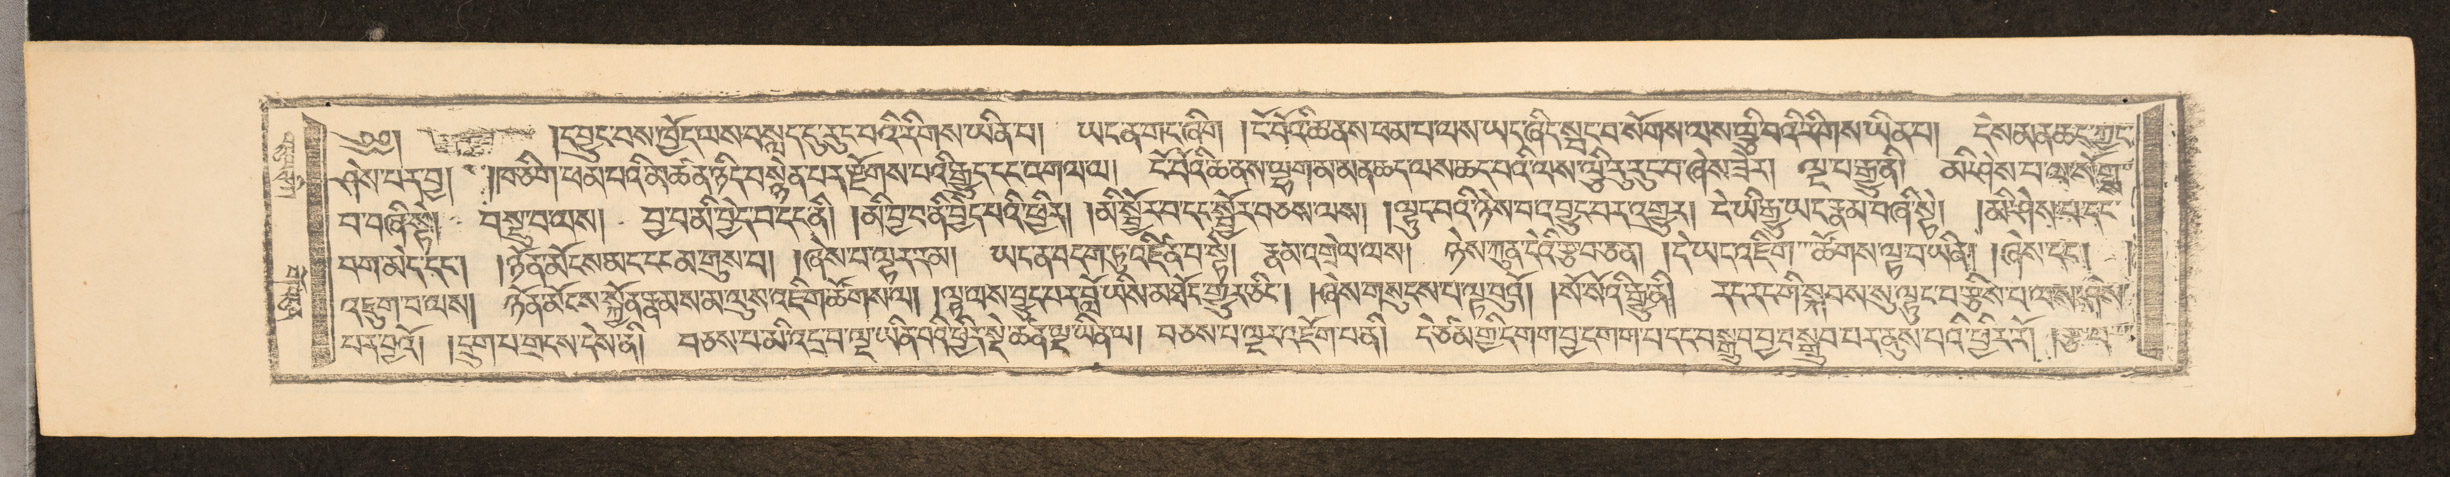༄༅། །དབྱུང་བས་ཁྱོད་ལས་བསླང་དུ་རུང་བའི་རིགས་ཡིན་པ། ཡང་ན་གང་ཞིག །ངོ་བོའི་ཆ་ནས་ཕམ་པ་ལས་ཡང་ཞིང་སྤང་པ་སོགས་ལས་ལྕི་བའི་རིགས་ཡིན་པ། དེས་མན་ཆད་ཀྱང་
ཤེས་པར་བྱ། ཁ་ཅིག་ཕམ་པའི་མཚན་ཉིད་བསྙེན་པར་རྫོགས་པའི་རྒྱུད་དང་འགལ་ལ། ངོ་བོའི་ཆ་ནས་ལྷག་མ་མན་ཆད་ལས་ཆད་པའི་ལས་ལྕི་རུ་རུང་བ་ཞེས་ཟེར། ལྔ་པ་རྒྱུ་ནི། མི་ཤེས་པ་ལ་སོགས་
པ་བཞི་སྟེ། བསྡུ་བ་ལས། བྱ་བ་མི་བྱེད་པ་དང་ནི། །མི་བྱ་བ་ནི་བྱེད་པའི་ཕྱིར། །མི་སྤྱོར་བ་དང་སྤྱོར་བཅས་ལས། །ལྟུང་བའི་ཉེས་པ་འབྱུང་བར་འགྱུར། དེ་ཡི་རྒྱུ་ཡང་རྣམ་བཞི་སྟེ། །མི་ཤེས་པ་དང་
བག་མེད་དང་། །ཉོན་མོངས་མང་དང་མ་གུས་པ། །ཞེས་པ་ལྟར་རམ། ཡང་ན་བདག་ཏུ་འཛིན་པ་སྟེ། རྣམ་འགྲེལ་ལས། ཉེས་ཀུན་དེའི་རྩ་བ་ཅན། །དེ་ཡང་འཇིག་ཚོགས་ལྟ་བ་ཡིན། །ཞེས་དང་།
འཇུག་པ་ལས། ཉོན་མོངས་སྐྱོན་རྣམས་མ་ལུས་འཇིག་ཚོགས་ལ། །ལྟ་ལས་བྱུང་བར་བློ་ཡིས་མཐོང་གྱུར་ཅིང་། །ཞེས་གསུངས་པ་ལྟ་བུའོ། །སོ་སོའི་རྒྱུ་ནི། རང་རང་གི་སྐབས་སུ་ལྟུང་བ་རྩིས་པ་ལས་ཤེས་
པར་བྱའོ། །དྲུག་པ་གྲངས་ངེས་ནི། བཅས་པ་མི་འདྲ་བ་ལྔ་ཡིན་པའི་ཕྱིར་སྡེ་ཚན་ལྔ་ཡིན་ལ། བཅས་པ་ལྔར་འཇོག་པ་ནི། དེ་ཙམ་གྱི་དགག་བྱ་དགག་པ་དང་བསྒྲུབ་བྱ་བསྒྲུབ་པར་ནུས་པའི་ཕྱིར་རོ། །རྩ་བ་